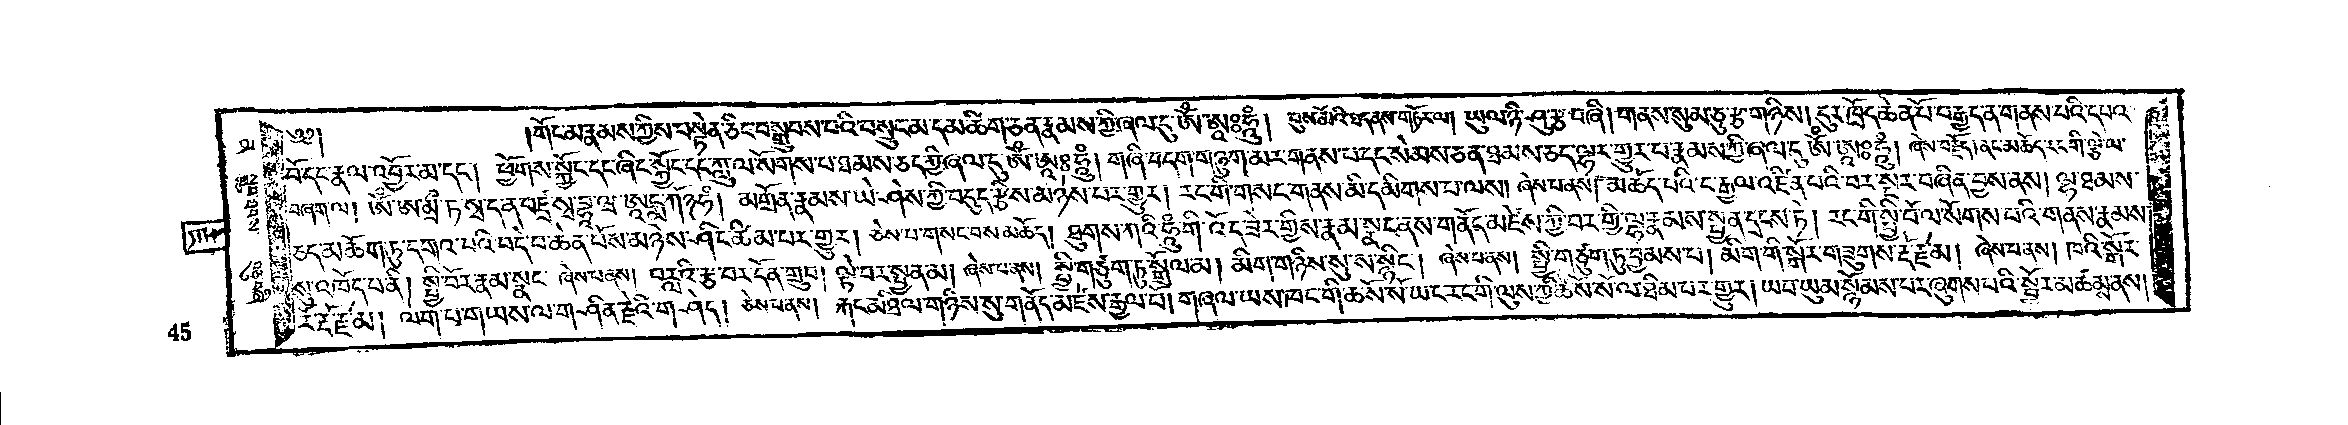༄༅། །གོང་མ་རྣམས་ཀྱིས་བསྟེན་ཅིང་བསྒྲུབས་པའི་བསྲུང་མ་དམ་ཚིག་ཅན་རྣམས་ཀྱི་ཞལ་དུ་ཨོཾ་ཨཱཿ ཧཱུཾ། པུས་མོའི་ཐད་ནས་གཏོར་ལ།  ཡུལ་ཉི་ཤུ་རྩ་བཞི། གནས་སུམ་ཅུ་རྩ་གཉིས། དུར་ཁྲོད་ཆེན་པོ་བརྒྱད་ན་གནས་པའི་དཔའ་
བོ་དང་རྣལ་འབྱོར་མ་དང་། ཕྱོགས་སྐྱོང་དང་ཞིང་སྐྱོང་དང་ཀླུ་ལ་སོགས་པ་ཐམས་ཅད་ཀྱི་ཞལ་དུ་ཨོཾ་ཨཱཿ ཧཱུཾ། གཞི་བདག་གཉུག་མར་གནས་པ་དང་སེམས་ཅན་ཐམས་ཅད་ལྷར་གྱུར་པ་རྣམས་ཀྱི་ཞལ་དུ་ཨོཾ་ཨཱཿ ཧཱུཾ། ཞེས་བརྗོད། ནང་མཆོད་རང་གི་ལྕེ་ལ་
བཞག་ལ། ཨོཾ་ཨ་མྲྀ་ཏ་སྭ་ད་ན་བཛྲ་སྭ་བྷཱ་ཝ་ཨཱདམ་ཀོཉ་ཧཾ། མགྲོན་རྣམས་ཡེ་ཤེས་ཀྱི་བདུད་རྩིས་མཉེས་པར་གྱུར། རང་གི་གསང་གནས་མི་དམིགས་པ་ལས། ཞེས་པ་ནས།  མཆོད་པའི་ང་རྒྱལ་འཛིན་པའི་བར་སྔར་བཞིན་བྱས་ནས། ལྷ་ཐམས་
ཅད་མཆོག་ཏུ་དགའ་བའི་བདེ་བ་ཆེན་པོས་མཉེས་ཤིང་ཚིམ་པར་གྱུར། ཅེས་པ་གསང་བས་མཆོད།  ཐུགས་ཀའི་ཧཱུཾ་གི་འོད་ཟེར་གྱིས་རྣམ་སྣང་ནས་གནོད་མཛེས་ཀྱི་བར་གྱི་ལྷ་རྣམས་སྤྱན་དྲངས་ཏེ། རང་གི་སྤྱི་བོ་ལ་སོགས་པའི་གནས་རྣམས་
སུ་འཁོད་པ་ནི། སྤྱི་བོར་རྣམ་སྣང་ཞེས་པ་ནས།  བརླའི་རྩ་བར་དོན་གྲུབ། ལྟེ་བར་སྤྱན་མ། ཞེས་པ་ནས།  སྤྱི་གཙུག་ཏུ་སྒྲོལ་མ། མིག་གཉིས་སུ་ས་སྙིང་། ཞེས་པ་ནས།  སྤྱི་གཙུག་ཏུ་བྱམས་པ། མིག་གི་སྒོར་གཟུགས་རྡོ་རྗེ་མ། ཞེས་པ་ནས།  ཁའི་སྒོར་
རོ་རྡོ་རྗེ་མ། ལག་པ་གཡས་ལ་གཤིན་རྗེའི་གཤེད། ཅེས་པ་ནས།  རྐང་མཐིལ་གཉིས་སུ་གནོད་མཛེས་རྒྱལ་པོ། གཞལ་ཡས་ཁང་གི་ཆ་སོ་སོ་ཡང་རང་གི་ལུས་ཀྱི་ཆ་སོ་སོ་ལ་ཐིམ་པར་གྱུར། ཡབ་ཡུམ་སྙོམས་པར་ཞུགས་པའི་སྦྱོར་མཚམས་ནས།